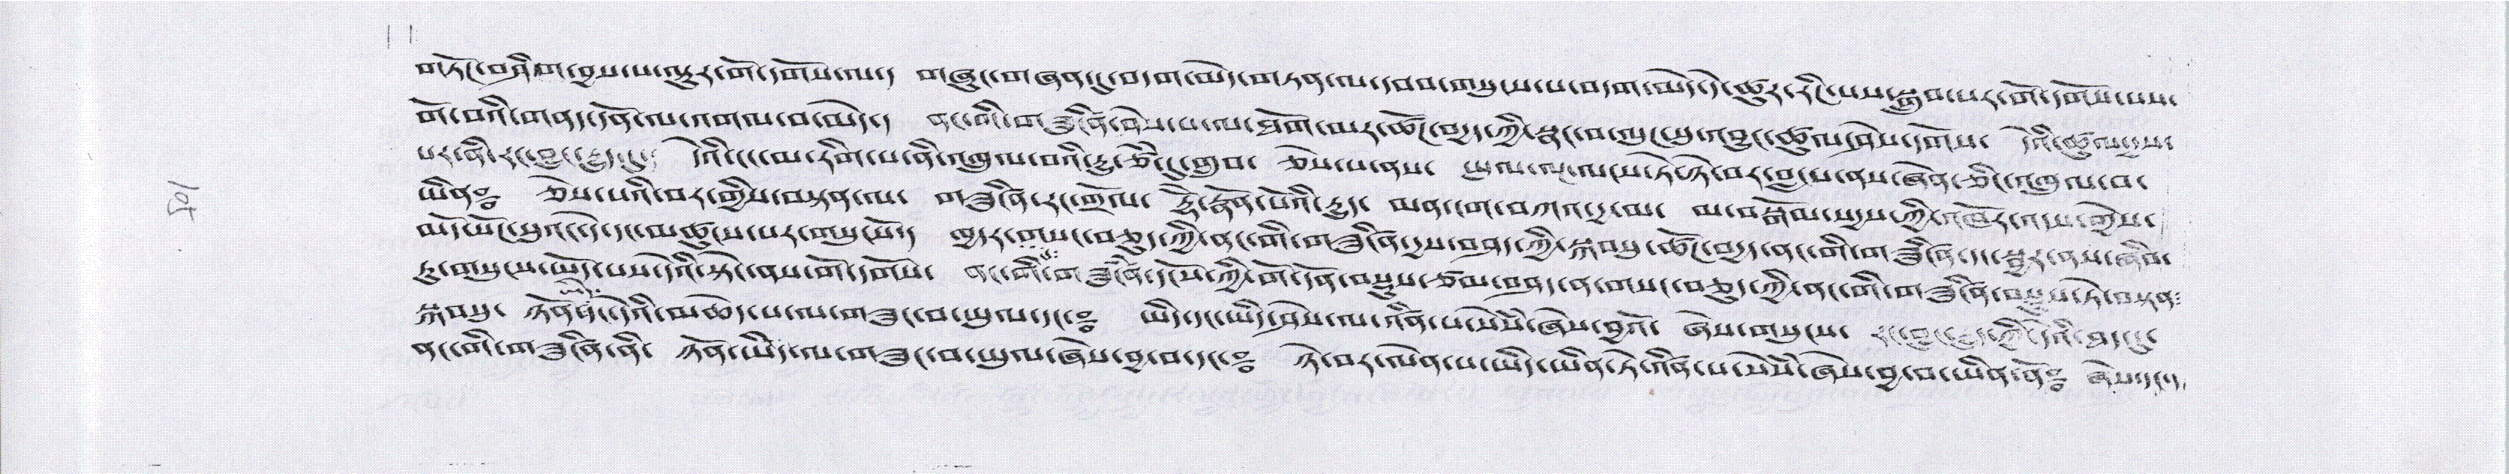གཏོང་བཤིགས་བྱས་པ་ལྟ་བུ་ལ་གོ་དགོས་ལ། གཞུང་གཞན་དུ་བདག་མེད་གཏན་ལ་དབབ་གསུངས་པ་བདག་མེད་དེ་ཚུར་རིགས་པས་བསྒྲུབ་པར་གོ་དགོས་པས་
གོ་བའི་གནད་དོན་ལ་འགལ་བ་མེད། ནང་གི་གཟུང་འཛིན་ཤེས་པ་ལ་ཐོག་མར་ཚོགས་བརྒྱད་ཀྱི་སྣང་བ་ལུགས་སུ་འབྱུང་ཚུལ་ཤེས་དགོས། དེའི་ཚུལ་རྒྱས་
པར་ནི་རང་བྱུང་གི་རྒྱུད་དུ། དེའི་ངང་མ་རིག་པ་ནི་འཁྲུལ་པའི་རྒྱུ་ཙམ་དུ་གྲུབ། ཅེས་པ་ནས་ཡུལ་ལྔ་ལངས་ཏེ་ཉེ་བར་བླངས་ནས་ཞེན་ཅིང་འཁྲུལ་པ་
ཡིནཿ ཅེས་པའི་བར་གྱིས་བསྟན་ལ། གཟུང་འཛིན་རང་གྲོལ། རྡོ་རྗེ་རྣོན་པོའི་རྒྱུད། མན་ངག་བཀའ་རྒྱ་མ། མ་བསྒོམས་སངས་རྒྱས་ཀྱི་འཁོར་འདས་གྱེས་
མདོ་སོགས་སུའང་དེ་དང་མཚུངས་པར་གསུངས་སོ། ཁྱད་པར་གསང་བཅུད་ཀྱི་ནང་གི་གཟུང་འཛིན་རྒྱས་བཤད་ཀྱི་སྐབས་སུ་ཚོགས་བརྒྱད་ནང་གི་གཟུང་འཛིན་དང་སྦྱར་ནས་ཞིབ་
ཏུ་གསུངས་ཡོད་པས་དེའི་སྟེང་ནས་གོ་དགོས། ནང་གི་གཟུང་འཛིན་དངོས་ཀྱི་གོ་དོན་བསྡུས་ཙམ་བཤད་ན་གསང་བཅུད་ཀྱི་ནང་གི་གཟུང་འཛིན་བསྡུས་ཏེ་བསྟན་
སྐབས་སུ། ཉོན་མོངས་དང་དེའི་མཆེད་པ་ལ་གཟུང་བ་ཡུལ་དངཿ ཡིད་དང་ཡིད་ཤེས་ལ་འཛིན་པ་སེམས་ཞེས་བྱའོཿ ཞེས་གསུངས། རང་བྱུང་རྒྱུད་ཀྱི་དེའི་ཐད་དུ་
ནང་གི་གཟུང་འཛིན་ནི། ཉོན་ཡིད་ལ་གཟུང་བ་ཡུལ་ཞེས་བྱ་བ་དངཿ ཉེ་བར་ལེན་པ་ཡིད་ཡིན་ཏེ་འཛིན་པ་སེམས་ཞེས་བྱ་བ་ཡིན་ནོཿ ཞེས་དང་།